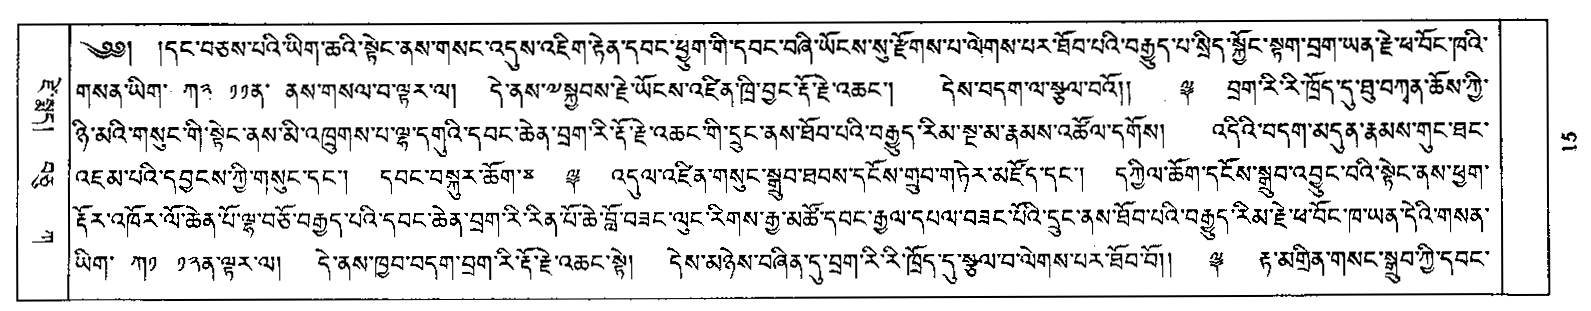༄༅། །དང་བཅས་པའི་ཡིག་ཆའི་སྟེང་ནས་གསང་འདུས་འཇིག་རྟེན་དབང་ཕྱུག་གི་དབང་བཞི་ཡོངས་སུ་རྫོགས་པ་ལེགས་པར་ཐོབ་པའི་བརྒྱུད་པ་སྲིད་སྐྱོང་སྟག་བྲག་ཡན་རྗེ་ཕ་བོང་ཁའི་
གསན་ཡིག་ཀ ༢ ༡༡་ན་ནས་གསལ་བ་ལྟར་ལ། དེ་ནས་༧་སྐྱབས་རྗེ་ཡོངས་འཛིན་ཁྲི་བྱང་རྡོ་རྗེ་འཆང་། དེས་བདག་ལ་སྩལ་བའོ།། ༈ བྲག་རི་རི་ཁྲོད་དུ་ཐུ་བཀྭན་ཆོས་ཀྱི་
ཉི་མའི་གསུང་གི་སྟེང་ནས་མི་འཁྲུགས་པ་ལྷ་དགུའི་དབང་ཆེན་བྲག་རི་རྡོ་རྗེ་འཆང་གི་དྲུང་ནས་ཐོབ་པའི་བརྒྱུད་རིམ་སྔ་མ་རྣམས་འཚོལ་དགོས། འདིའི་བདག་མདུན་རྣམས་གུང་ཐང་
འཇམ་པའི་དབྱངས་ཀྱི་གསུང་དང་། དབང་བསྐུར་ཆོག ༈ འདུལ་འཛིན་གསུང་སྒྲུབ་ཐབས་དངོས་གྲུབ་གཏེར་མཛོད་དང་། དཀྱིལ་ཆོག་དངོས་སྒྲུབ་འབྱུང་བའི་སྟེང་ནས་ཕྱག་
རྡོར་འཁོར་ལོ་ཆེན་པོ་ལྷ་བཅོ་བརྒྱད་པའི་དབང་ཆེན་བྲག་རི་རིན་པོ་ཆེ་བློ་བཟང་ལུང་རིགས་རྒྱ་མཚོ་དབང་རྒྱལ་དཔལ་བཟང་པོའི་དྲུང་ནས་ཐོབ་པའི་བརྒྱུད་རིམ་རྗེ་ཕ་བོང་ཁ་ཡན་དེའི་གསན་
ཡིག་ཀ ༡ ༡༢་ན་ལྟར་ལ། དེ་ནས་ཁྱབ་བདག་བྲག་རི་རྡོ་རྗེ་འཆང་སྟེ། དེས་མཉེས་བཞིན་དུ་བྲག་རི་རི་ཁྲོད་དུ་སྩལ་བ་ལེགས་པར་ཐོབ་བོ།། ༈ རྟ་མགྲིན་གསང་སྒྲུབ་ཀྱི་དབང་